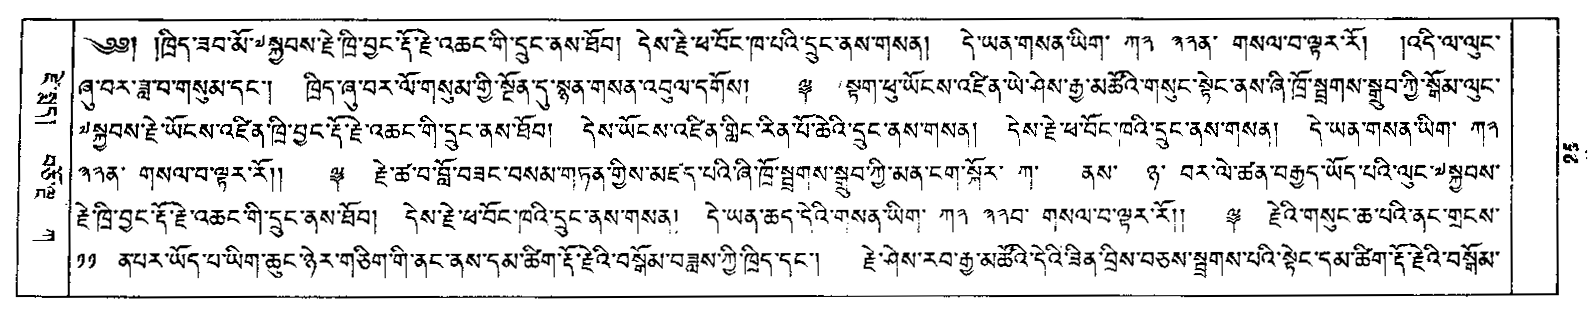༄༅། །ཁྲིད་ཟབ་མོ་༧་སྐྱབས་རྗེ་ཁྲི་བྱང་རྡོ་རྗེ་འཆང་གི་དྲུང་ནས་ཐོབ། དེས་རྗེ་ཕ་བོང་ཁ་པའི་དྲུང་ནས་གསན། དེ་ཡན་གསན་ཡིག་ཀ ༢ ༣༢་ན་གསལ་བ་ལྟར་རོ། །འདི་ལ་ལུང་
ཞུ་བར་ཟླ་བ་གསུམ་དང་། ཁྲིད་ཞུ་བར་ལོ་གསུམ་གྱི་སྔོན་དུ་སྙན་གསན་འབུལ་དགོས། ༈ སྟག་ཕུ་ཡོངས་འཛིན་ཡེ་ཤེས་རྒྱ་མཚོའི་གསུང་སྟེང་ནས་ཞི་ཁྲོ་སྦྲགས་སྒྲུབ་ཀྱི་སྒོམ་ལུང་
༧་སྐྱབས་རྗེ་ཡོངས་འཛིན་ཁྲི་བྱང་རྡོ་རྗེ་འཆང་གི་དྲུང་ནས་ཐོབ། དེས་ཡོངས་འཛིན་གླིང་རིན་པོ་ཆེའི་དྲུང་ནས་གསན། དེས་རྗེ་ཕ་བོང་ཁའི་དྲུང་ནས་གསན། དེ་ཡན་གསན་ཡིག་ཀ ༢
༣༢་ན་གསལ་བ་ལྟར་རོ།། ༈ རྗེ་ཚ་བ་བློ་བཟང་བསམ་གཏན་གྱིས་མཛད་པའི་ཞི་ཁྲོ་སྦྲགས་སྒྲུབ་ཀྱི་མན་ངག་སྐོར་ཀ་ནས་ཉ་བར་ལེ་ཚན་བརྒྱད་ཡོད་པའི་ལུང་༧་སྐྱབས་
རྗེ་ཁྲི་བྱང་རྡོ་རྗེ་འཆང་གི་དྲུང་ནས་ཐོབ། དེས་རྗེ་ཕ་བོང་ཁའི་དྲུང་ནས་གསན། དེ་ཡན་ཆད་དེའི་གསན་ཡིག་ཀ ༢ ༣༢་བ་གསལ་བ་ལྟར་རོ།། ༈ རྗེའི་གསུང་ཆ་པའི་ནང་གྲངས་
༡༡་ན་པར་ཡོད་པ་ཡིག་ཆུང་ཉེར་གཅིག་གི་ནང་ནས་དམ་ཚིག་རྡོ་རྗེའི་བསྒོམ་བཟླས་ཀྱི་ཁྲིད་དང་། རྗེ་ཤེས་རབ་རྒྱ་མཚོའི་དེའི་ཟིན་བྲིས་བཅས་སྦྲགས་པའི་སྟེང་དམ་ཚིག་རྡོ་རྗེའི་བསྒོམ་